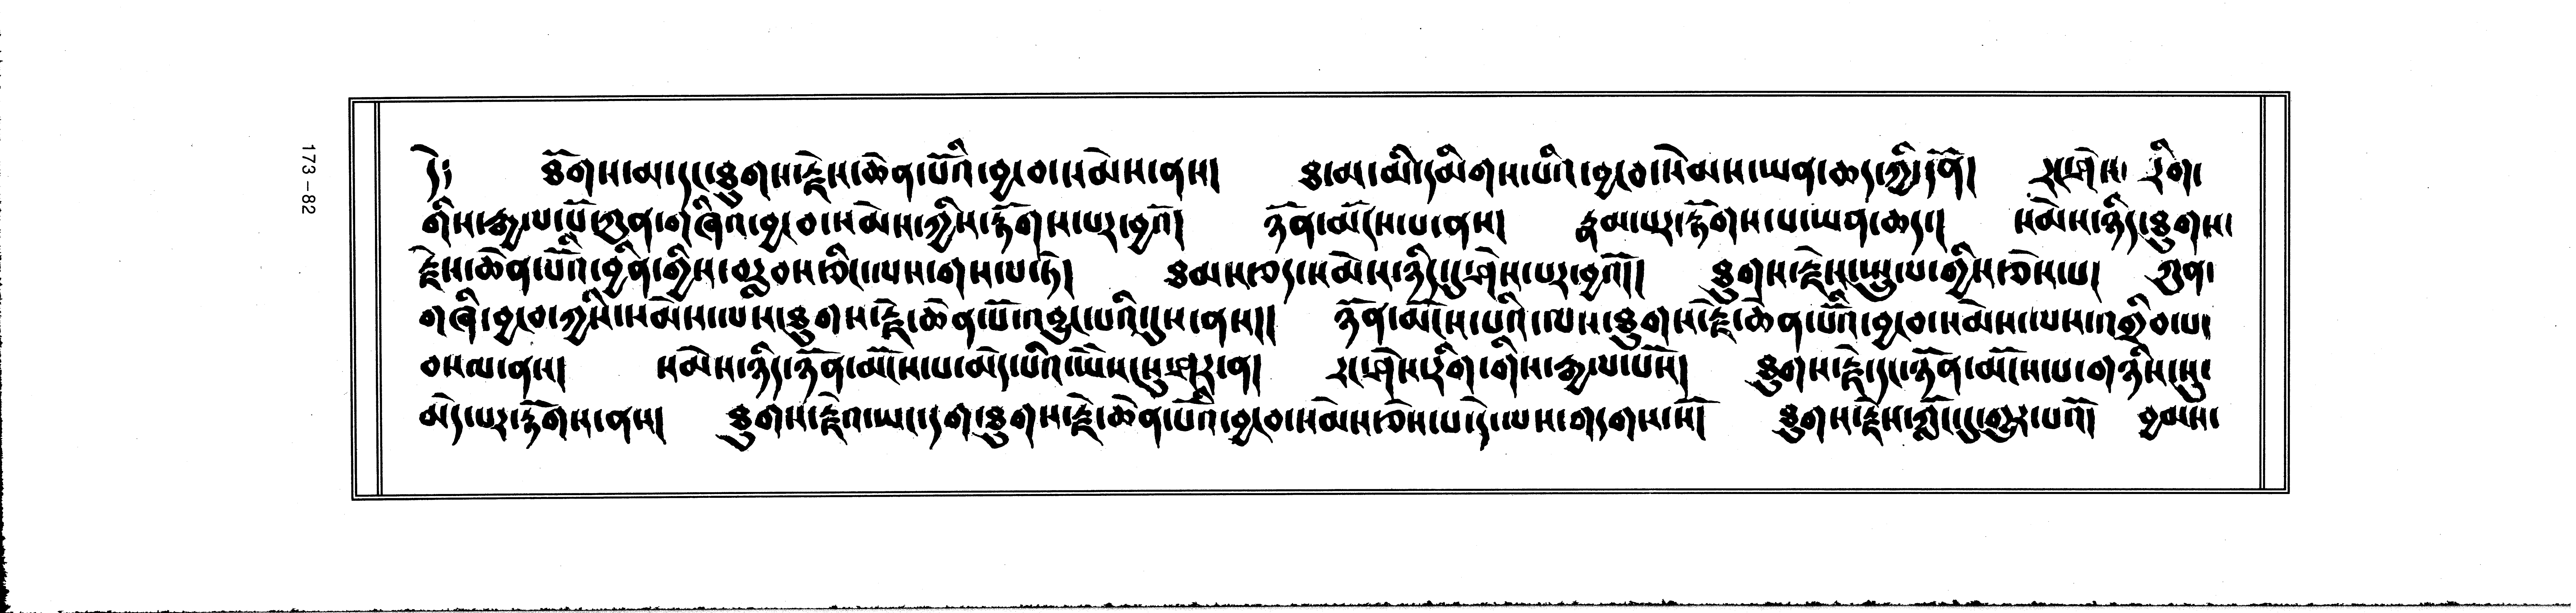ཐོག་མ་དང་ཐུགས་རྗེ་ཆེན་པོའི་བྱང་ཆུབ་སེམས་ནས། ཐ་མ་མི་དམིགས་པའི་བྱང་ཆུབ་སེམས་ཡན་ཆད་ཀྱི་དོན། རང་ཤེས་རིག་
གི་རྒྱལ་པོ་ཀུན་གཞིའི་བྱང་ཆུབ་ཀྱིས་རྟོགས་པར་བྱའོ། ཉོན་མོངས་པ་ནས་རྣམ་པར་རྟོག་པ་ཡན་ཆད། སེམས་ཉིད་ཐུགས་
རྗེ་ཆེན་པོའི་བྱིན་གྱིས་བརླབས་ཅིང་གསལ་ཏེ། ཐམས་ཅད་སེམས་ཉིད་དུ་ཤེས་པར་བྱའོ། ཐུགས་རྗེས་སྤྲུལ་གྱིས་ཅེས་པས། ཀུན་
གཞི་བྱང་ཆུབ་སེམས་ལས་ཐུགས་རྗེ་ཆེན་པོ་འབྱུང་བའི་དུས་ནས། ཉོན་མོངས་པའི་ལས་ཐུགས་རྗེ་ཆེན་པོའི་བྱང་ཆུབ་སེམས་ལས་འགྲིབ་པ་
བསལ་ནས། སེམས་ཉིད་ཉོན་མོངས་པ་མེད་པའི་ཡེ་ཤེས་སུ་ཤར་ན། རང་ཤེས་རིག་གི་རྒྱལ་པོས། ཐུགས་རྗེ་དང་ཉོན་མོངས་པ་གཉིས་སུ་
མེད་པར་རྟོགས་ནས། ཐུགས་རྗེ་ཡང་དག་ཐུགས་རྗེ་ཆེན་པོའི་བྱང་ཆུབ་སེམས་ཅེས་པ་དེ་ལས་གདགས་སོ། །ཐུགས་རྗེའི་ཀློང་དུ་གྱུར་པའོ། བྱམས་